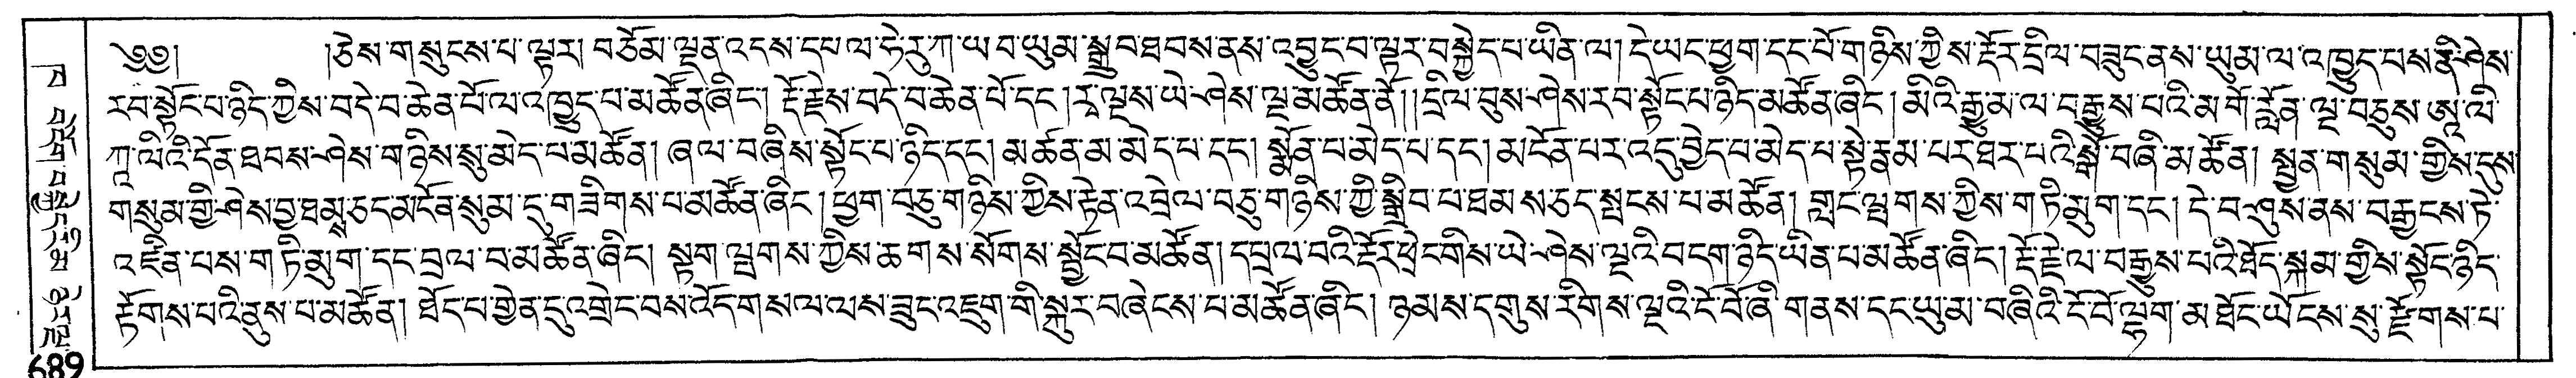༄༅། །ཅེས་གསུངས་པ་ལྟར། བཅོམ་ལྡན་འདས་དཔལ་ཧེ་རུ་ཀ་ཡབ་ཡུམ་སྒྲུབ་ཐབས་ནས་འབྱུང་བ་ལྟར་བསྐྱེད་པ་ཡིན་ལ། དེ་ཡང་ཕྱག་དང་པོ་གཉིས་ཀྱིས་རྡོར་དྲིལ་བཟུང་ནས་ཡུམ་ལ་འཁྱུད་པས་ནི་ཤེས་
རབ་སྟོང་པ་ཉིད་ཀྱིས་བདེ་བ་ཆེན་པོ་ལ་འཁྱུད་པ་མཚོན་ཞིང་། རྡོ་རྗེས་བདེ་བ་ཆེན་པོ་དང་། རྭ་ལྔས་ཡེ་ཤེས་ལྔ་མཚོན་ནོ། །དྲིལ་བུས་ཤེས་རབ་སྟོང་པ་ཉིད་མཚོན་ཞིང་། མིའི་རྒྱུ་མ་ལ་བརྒྱུས་པའི་མགོ་རློན་ལྔ་བཅུས་ཨཱ་ལི་
ཀཱ་ལིའི་དོན་ཐབས་ཤེས་གཉིས་སུ་མེད་པ་མཚོན། ཞལ་བཞིས་སྟོང་པ་ཉིད་དང་། མཚན་མ་མེད་པ་དང་། སྨོན་པ་མེད་པ་དང་། མངོན་པར་འདུ་བྱེད་པ་མེད་པ་སྟེ་རྣམ་པར་ཐར་པའི་སྒོ་བཞི་མཚོན། སྤྱན་གསུམ་གྱིས་དུས་
གསུམ་གྱི་ཤེས་བྱ་ཐམས་ཅད་མངོན་སུམ་དུ་གཟིགས་པ་མཚོན་ཞིང་། ཕྱག་བཅུ་གཉིས་ཀྱིས་རྟེན་འབྲེལ་བཅུ་གཉིས་ཀྱི་སྒྲིབ་པ་ཐམས་ཅད་སྤངས་པ་མཚོན། གླང་ལྤགས་ཀྱིས་གཏི་མུག་དང་། དེ་བཤུས་ནས་བརྒྱངས་ཏེ་
འཛིན་པས་གཏི་མུག་དང་བྲལ་བ་མཚོན་ཞིང་། སྟག་ལྤགས་ཀྱིས་ཆགས་སོགས་སྦྱོང་བ་མཚོན། དཔྲལ་བའི་རྡོར་ཕྲེང་གིས་ཡེ་ཤེས་ལྔའི་བདག་ཉིད་ཡིན་པ་མཚོན་ཞིང་། རྡོ་རྗེ་ལ་བརྒྱུས་པའི་ཐོད་སྐམ་གྱིས་སྟོང་ཉིད་
རྟོགས་པའི་ནུས་པ་མཚོན། ཐོད་པ་གྱེན་དུ་འགྲེང་བས་འོད་གསལ་ལས་ཟུང་འཇུག་གི་སྐུར་བཞེངས་པ་མཚོན་ཞིང་། ཉམས་དགུས་རིགས་ལྔའི་ངོ་བོ་ཞི་གནས་དང་ཡུ་མ་བཞིའི་ངོ་བོ་ལྷག་མཐོང་ཡོངས་སུ་རྫོགས་པ་